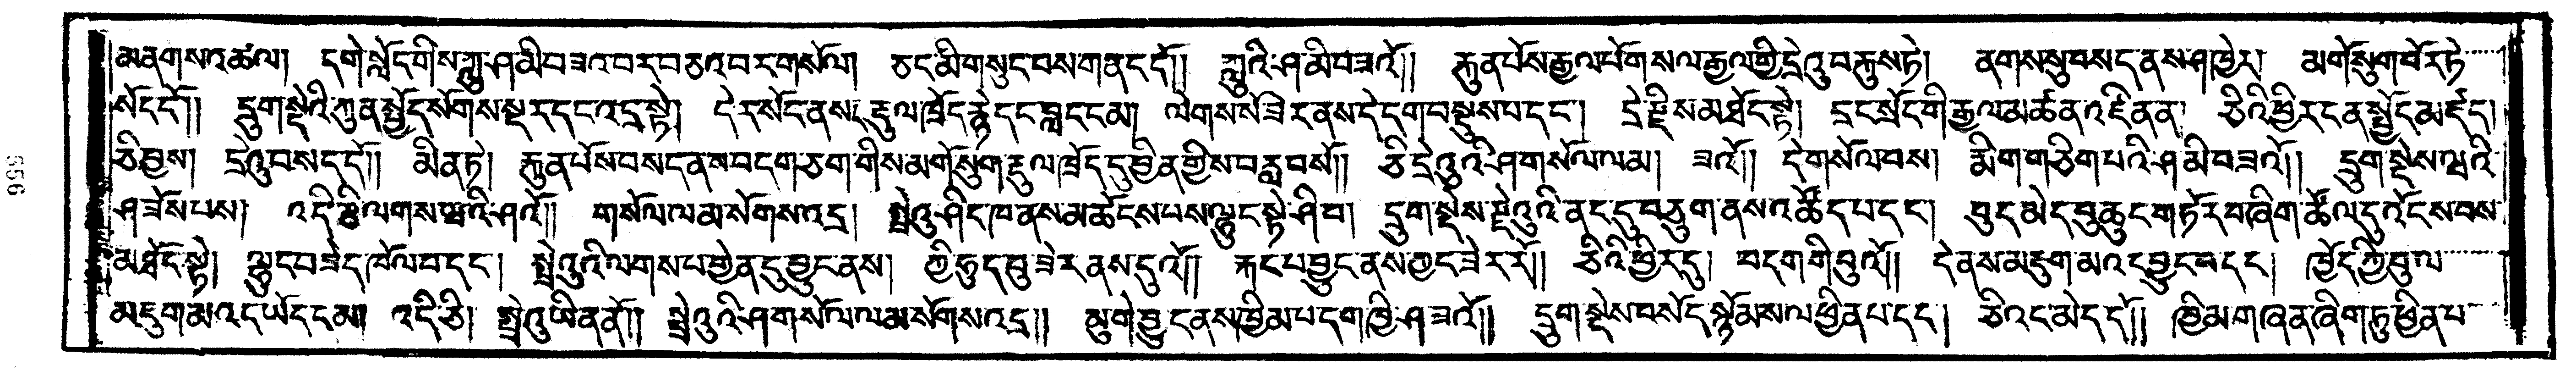མནགས་འཚལ། དགེ་སློང་གིས་ཀླུ་ཤ་མི་བཟའ་བར་བཅའ་བར་གསོལ། ཅང་མི་གསུང་བས་གནང་ངོ། །ཀླུའི་ཤ་མི་བཟའོ། །རྐུན་པོས་རྒྱལ་པོ་གསལ་རྒྱལ་གྱི་དྲེའུ་བརྐུས་ཏེ། ནགས་སུ་བསད་ནས་ཤ་ཁྱེར། མགོ་སུག་བོར་ཏེ་
སོང་ངོ།། དྲུག་སྡེའི་ཀུན་སྤྱོད་སོགས་སྔར་དང་འདྲ་སྟེ། དེར་སོང་ནས༑ རྡུལ་ཁྲོད་རྙེ་དང་བླང་ངམ། ལེགས་སོ་ཟེར་ནས་དེ་དག་བསྡུས་པ་དང་། དྲེ་རྫིས་མཐོང་སྟེ། དྲང་སྲོང་གི་རྒྱལ་མཚན་འཛིན་ན། ཅིའི་ཕྱིར་ངན་སྤྱོད་མཛད།
ཅི་བྱས། དྲེའུ་བསད་དོ།། མིན་ཏེ། རྐུན་པོས་བསད་ནས་བདག་ཅག་གིས་མགོ་སུག་རྡུལ་ཁྲོད་དུ་བྱིན་གྱིས་བརླབ་སོ།། ཅི་དྲེའུའི་ཤ་གསོལ་ལམ། ཟའོ།། དེ་གསོལ་བས། རྨིག་གཅིག་པའི་ཤ་མི་བཟའོ། །དྲུག་སྡེས་ཝའི་
ཤ་ཟོས་པས། འདི་རྩི་ལགས་ཝའི་ཤའོ། །གསོལ་ལམ་སོགས་འདྲ། སྤྲེའུ་ཤིང་ཁ་ནས་མཆོངས་པས་ལྷུང་སྟེ་ཤི་བ། དྲུག་སྡེས་རྫེའུའི་ནང་དུ་བཅུག་ནས་འཚོད་པ་དང་། བུད་མེད་བུ་ཆུང་གཏོར་བ་ཞིག་ཚོལ་དུ་འོངས་བས་
མཐོང་སྟེ། ལྷུང་བཟེད་ཁོལ་བ་དང་། སྤྲེའུའི་ལགས་པ་གྱེན་དུ་བྱུང་ནས། ཀྱི་ཧུད་བུ་ཟེར་ནས་དུའོ།། རྐང་པ་བྱུང་ནས་ཀྱང་ཟེར་རོ།། ཅིའི་ཕྱིར་དུ། བདག་གི་བུའོ།། དེ་ནས་མཇུག་མའང་བྱུང་བ་དང་། ཁྱོད་ཀྱི་བུ་ལ་
མཇུག་མའང་ཡོད་དམ། འདི་ཅི། སྤྲེའུ་ཡིན་ནོ།། སྤྲེའུའི་ཤ་གསོལ་ལམ་སོགས་འདྲ།། མུ་གེ་བྱུང་ནས་ཁྱིམ་པ་དག་ཁྱི་ཤ་ཟའོ།། དྲུག་སྡེས་བསོད་སྙོམས་ལ་ཕྱིན་པ་དང་། ཅིའང་མེད་དོ།། ཁྱིམ་གཞན་ཞིག་ཏུ་ཕྱིན་པ་